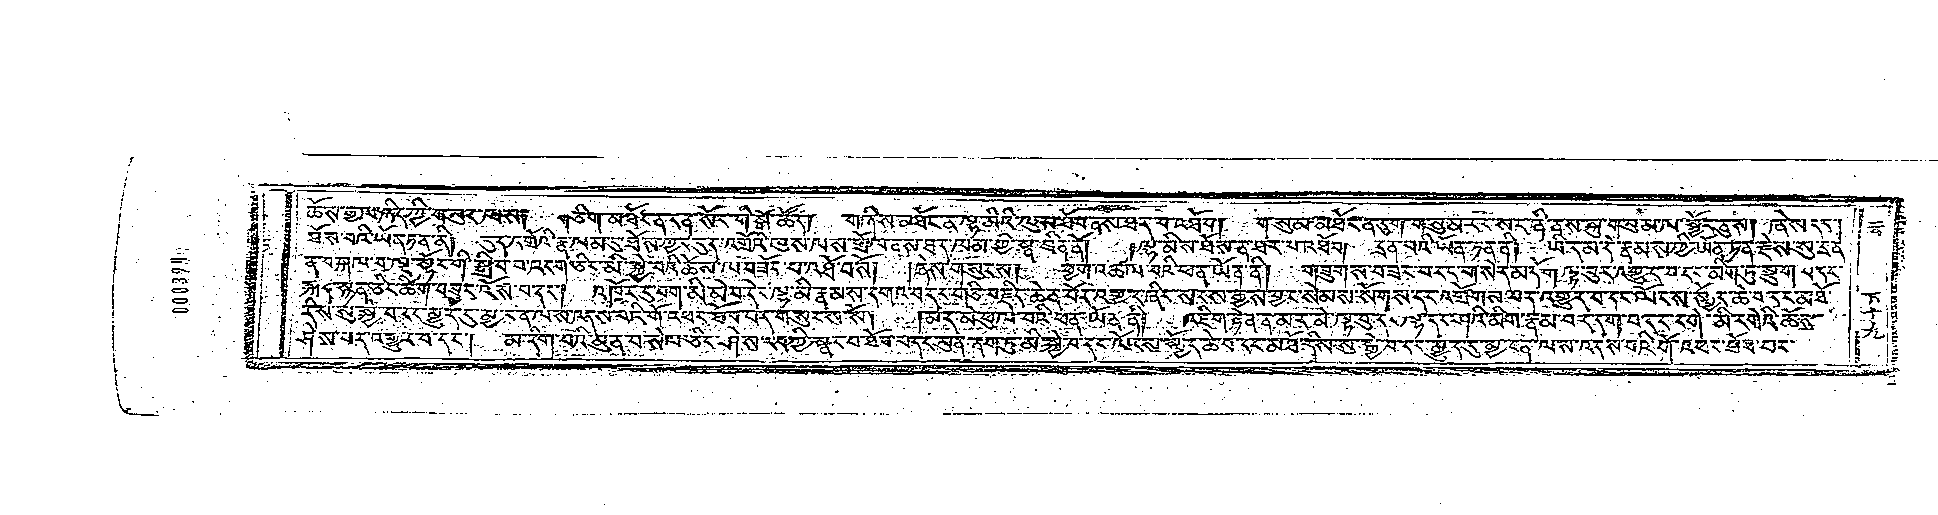ཆོས་རྒྱལ་ཉིད་ཀྱི་གསུང་ལས། གཅིག་མཐོང་ན་ངན་སོང་གི་སྒོ་ཚོད། གཉིས་མཐོང་ན་ལྷ་མིའི་ལུས་ཐོབ་ནས་ཐར་བ་འཐོབ། གསུམ་མཐོང་ན་དུག་གསུམ་རང་སར་ཞི་ནས་སྐུ་གསུམ་ལ་སྤྱོར་ནུས། ཞེས་དང་།
ཐོས་པའི་ཡོན་ཏན་ནི། དུད་འགྲོའི་རྣ་ལམ་དུ་ཐོས་ཀྱང་དུད་འགྲོའི་ལུས་ལས་གྲོལ་ནས་ཐར་ལམ་གྱི་སྣ་བྲིན་ནོ། །ལྷ་མིས་ཐོས་ན་ཐར་པ་འཐོབ། དྲན་པའི་ཡོན་ཏན་ནི། ཡི་དམ་དེ་རྣམས་ཀྱི་ཡོན་ཏན་རྗེས་སུ་དྲན་
ན་བསྐལ་བ་ལྔ་སྟོང་གི་སྒྲིབ་པ་འདག་ཅིང་མི་སྐྱེ་བའི་ཆོས་ལ་བཟོད་པ་འཐོབ་བོས། །ཞེས་གསུངས། ཕྱག་འཚལ་བའི་ཕན་ཡོན་ནི། གཟུགས་བཟང་བ་དང་གསེར་མདོག་ལྟ་བུར་འགྱུར་བ་དང་མིག་ཏུ་སྡུག་པ་དང་
སྐད་སྙན་ཅིང་ཚིག་བཟུང་འོས་པ་དང་། འཁོར་དུ་བག་མི་མེབ་དེང་ལྷ་མི་རྣམས་དགའ་བ་དང་གཟི་བརྗིད་ཆེན་བོར་འགྱུར་ཞིང་སངས་རྒྱས་བྱང་སེམས་སོགས་དང་འགྲོགས་པར་འགྱུར་བ་དང་ལོངས་སྤྱོད་ཆེ་བ་དང་མཐོ་
རིས་སུ་སྐྱེ་བ་དང་མྱུར་དུ་མྱ་ངན་ལས་འདས་པའི་གོ་འཕང་ཐོབ་པར་གསུངས་སོ། །མར་མེ་ཕུལ་བའི་ཕན་ཡོན་ནི། འཇིག་རྟེན་ན་མར་མེ་ལྟ་བུ་དང་ལྷ་དང་ཤའི་མིག་རྣམ་པར་དག་པ་དང་དགེ་མི་དགེའི་ཆོས་
ཤེས་པར་འགྱུར་བ་དང་། མ་རིག་པའི་མུན་པ་སེལ་ཅིང་ཤེས་རབ་ཀྱི་སྣང་བ་ཐོབ་པ་དང་མུན་ནག་ཏུ་མི་སྐྱེ་བ་དང་ལོངས་སྤྱོད་ཆེ་བ་དང་མཐོ་རིས་སུ་སྐྱེ་བ་དང་མྱུར་དུ་མྱ་ངན་ལས་འདས་བའི་གོ་འཕང་ཐོབ་པར་